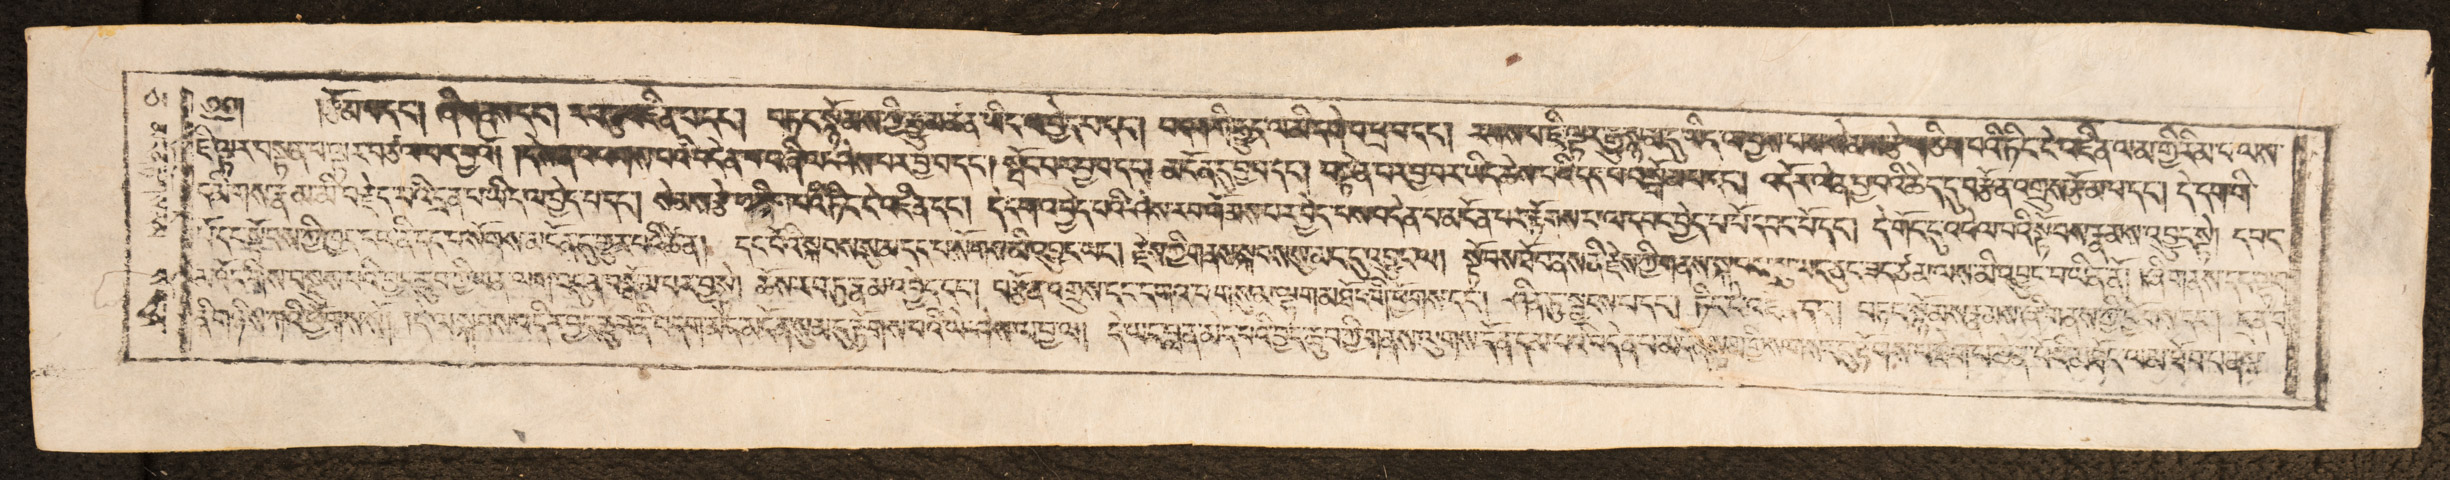༄༅། །རྩོམ་པ་དང་། ཞི་གནས་དང་། རབ་ཏུ་འཛིན་པ་དང་། བཏང་སྙོམས་ཀྱི་རྒྱུ་མཚན་ཡིད་ལ་བྱེད་པ་དང་། བདག་གི་རྒྱུད་ལ་མི་དགེ་བ་ཕྲ་བ་དང་། རགས་པ་ཇི་ལྟར་རྒྱུ་སྙམ་དུ་ཡིད་ལ་བྱས་པས་སེམས་རྩེ་གཅིག་པའི་ཏིང་ངེ་འཛིན་ལམ་གྱི་རིམ་པ་ལས་
ཇི་ལྟར་བསྟན་པ་ལྟར་བཙལ་བར་བྱའོ། །དེས་ན་འཕགས་པའི་བདེན་པ་བཞི་ལ་ཤེས་པར་བྱ་བ་དང་། སྤོང་བར་བྱ་བ་དང་། མངོན་དུ་བྱ་བ་དང་། བསྟེན་པར་བྱ་བར་ཡིད་ཆེས་པའི་དད་པ་བསྒོམ་པ་དང་། འདོར་ལེན་བྱ་བའི་ཆེད་དུ་བརྩོན་འགྲུས་རྩོམ་པ་དང་། དེ་དག་གི་
དམིགས་རྣམ་མི་བརྗེད་པའི་དྲན་པ་ཡིད་ལ་བྱེད་པ་དང་། སེམས་རྩེ་གཅིག་པའི་ཏིང་ངེ་འཛིན་དང་། དེ་དག་འབྱེད་པའི་ཤེས་རབ་གོམས་པར་བྱེད་པས་བདེན་པ་མངོན་པར་རྟོགས་པ་ལ་དབང་བྱེད་པ་པོ་དབང་པོ་དང་། དེ་གོང་དུ་འཕེལ་བའི་སྟོབས་རྣམས་འབྱུང་སྟེ། དབང་
པོ་དང་སྟོབས་ཀྱི་ཁྱད་པར་ནི་དད་པ་སོགས་མངོན་དུ་གྱུར་པའི་ཚེ་ན། དང་པོའི་སྐབས་སུམ་དད་པ་སོགས་མི་འབྱུང་ཡང་། རྗེས་ཀྱི་གནས་སྐབས་སུ་མང་དུ་འབྱུང་ལ། སྟོབས་ཐོབ་ནས་ནི་རྗེས་ཀྱི་གནས་སྐབས་སུ་ཡང་ཅུང་ཟད་ཙམ་ལས་མི་འབྱུང་བ་ཡིན་ནོ། །ཞི་གནས་དང་ལྷག་
མཐོང་གིས་བསྡུས་པའི་བྱང་ཆུབ་ཀྱི་ཡན་ལག་བདུན་བསྒོམ་པར་བྱ་སྟེ། ཆོས་རབ་ཏུ་རྣམ་འབྱེད་དང་། བརྩོན་འགྲུས་དང་དགའ་བ་གསུམ་ལྷག་མཐོང་གི་ཕྱོགས་དང་། ཤིན་ཏུ་སྦྱངས་པ་དང་། ཏིང་ངེ་འཛིན་དང་། བཏང་སྙོམས་རྣམས་ཞི་གནས་ཀྱི་ཕྱོགས་དང་། དྲན་པ་
ནི་གཉིས་ཀའི་ཕྱོགས་སོ། །དེ་ལ་སྐབས་འདིར་བྱང་ཆུབ་ནི་བདག་མེད་མངོན་སུམ་དུ་རྟོགས་པའི་ཡེ་ཤེས་ལ་བྱ་ལ། དེ་ཡང་བླ་ན་མེད་པའི་བྱང་ཆུབ་ཀྱི་གནས་ལུགས་དོན་དམ་པའི་བདེན་པ་མངོན་སུམ་གྱིས་གསར་དུ་རྟོགས་པ་ཐེག་པ་ཆེན་པོའི་མཐོང་ལམ་ཐོབ་པ་ནས་